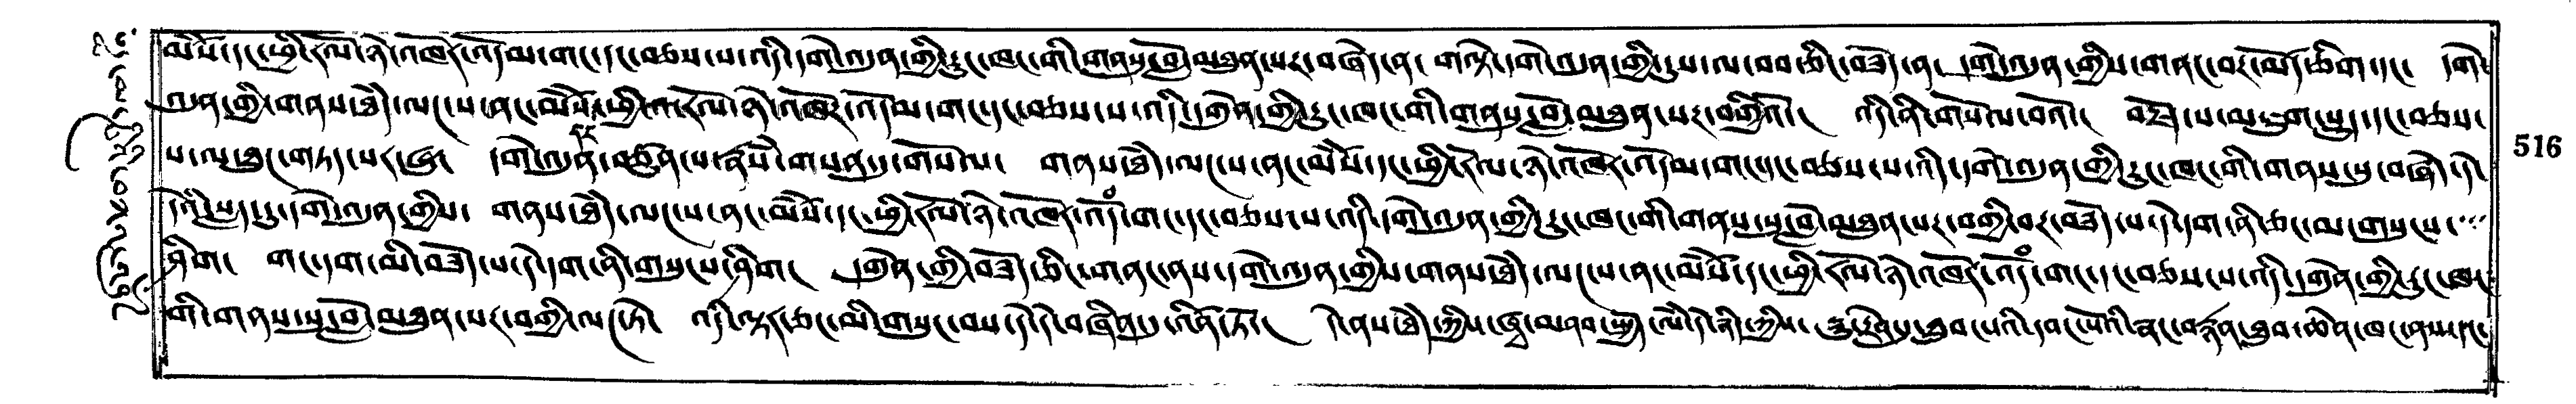མཚམས་དང་ཕྱི་རོལ་ཉེ་འཁོར་འདོམ་གང་དང་བཅས་པ་འདི་དགེ་འདུན་གྱི་རུང་ཁང་གི་གནས་སུ་བློ་མཐུན་པར་བཞེད་ན། གལ་ཏེ་དགེ་འདུན་གྱི་དུས་ལ་བབ་ཅིང་བཟོད་ན། དགེ་འདུན་གྱིས་གནང་བར་མཛོད་ཅིག་དང་། དགེ་
འདུན་གྱི་གནས་ཐམས་ཅད་ལགས་པ་ནང་མཚམས་དང་ཕྱི་རོལ་ཉེ་འཁོར་འདོམ་གང་དང་བཅས་པ་འདི་དགེ་འདུན་གྱི་རུང་ཁང་གི་གནས་སུ་བློ་མཐུན་པར་བགྱིའོ།། འདི་ནི་གསོལ་བའོ། བརྗོད་པ་མཇུག་སྡུད་དང་བཅས་
པ་ལ་ཐུགས་གཏད་པར་ཞུ། དགེ་འདུན་བཙུན་པ་རྣམས་གསན་དུ་གསོལ། གནས་ཐམས་ཅད་ལགས་པ་ནང་མཚམས་དང་ཕྱི་རོལ་ཉེ་འཁོར་འདོམ་གང་དང་བཅས་པ་འདི་དགེ་འདུན་གྱི་རུང་ཁང་གི་གནས་སུ་བཞེད་དེ་
དེའི་སླད་དུ་དགེ་འདུན་གྱིས་གནས་ཐམས་ཅད་ལགས་པ་ནང་མཚམས་དང་ཕྱི་རོལ་ཉེ་འཁོར་འདོམ་གང་དང་བཅས་པ་འདི་དགེ་འདུན་གྱི་རུང་ཁང་གི་གནས་སུ་བློ་མཐུན་པར་བགྱི་བར་བཟོད་པ་དེ་དག་ནི་ཅང་མ་གསུངས་
ཤིག གང་དག་མི་བཟོད་པ་དེ་དག་ནི་གསུངས་ཤིག དགེ་འདུན་གྱིས་བཟོད་ཅིང་གནང་ནས་དགེ་འདུན་གྱི་གནས་ཐམས་ཅད་ལགས་པ་ནང་མཚམས་དང་ཕྱི་རོལ་ཉེ་འཁོར་འདོམ་གང་དང་བཅས་པ་འདི་དགེ་འདུན་གྱི་རུང་ཁང་
གི་གནས་སུ་བློ་མཐུན་པར་བགྱི་ལགས་ཏེ།འདི་ལྟར་ཅང་མི་གསུངས་བས་དེ་དེ་བཞིན་དུ་འཛིན་ཏོ།། དེ་ནས་ཐམས་ཅད་ཀྱིས་ཞྭ་མནབ། སྤྱོད་ལམ་དེ་ཉིད་ཀྱིས། སྐུ་རྟེན་དུ་ཐུབ་པའི་དབང་པོའི་སྣང་བརྙན་ཐུབ་ཆེན་ཁང་ནས་དང་།